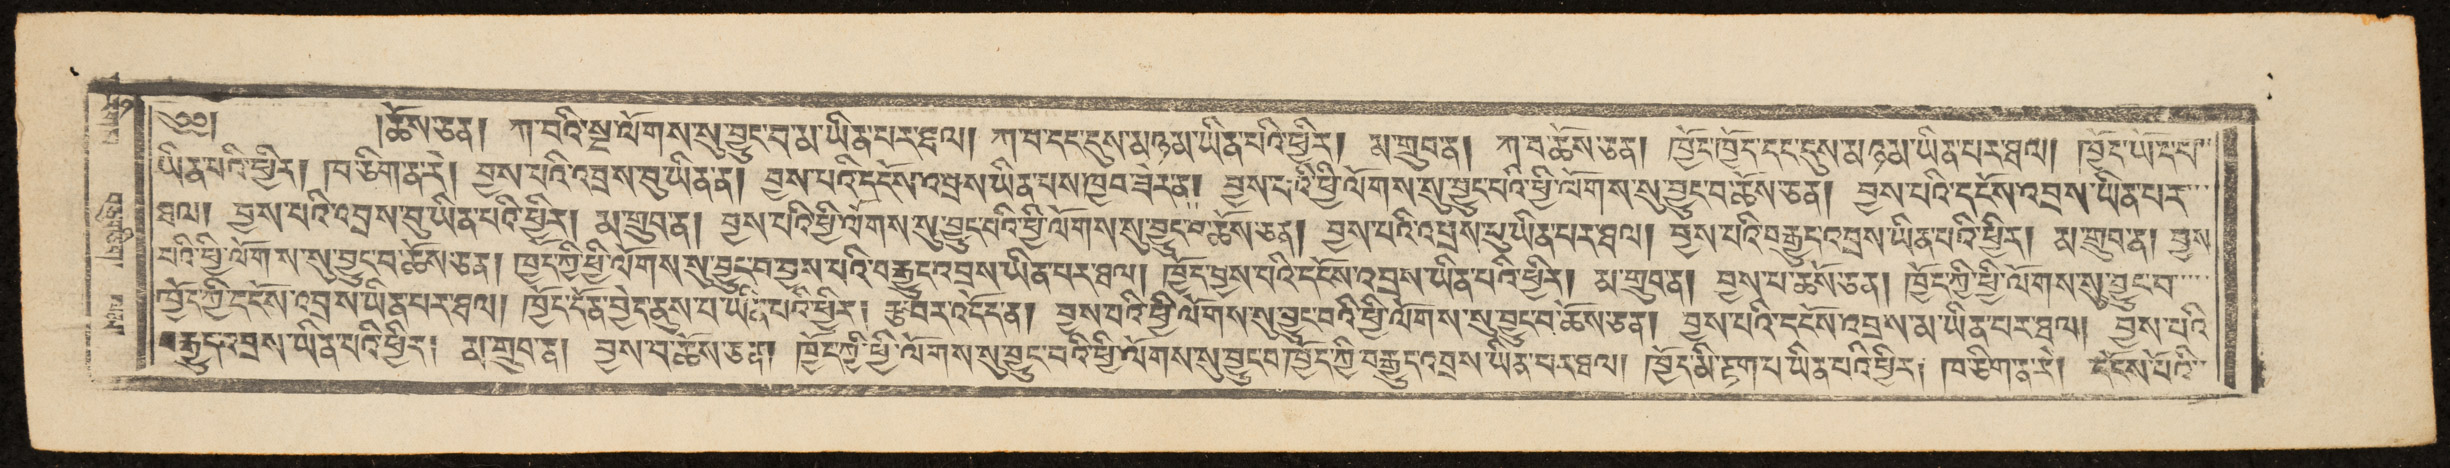༄༅། །ཆོས་ཅན། ཀ་བའི་སྔ་ལོགས་སུ་བྱུང་བ་མ་ཡིན་པར་ཐལ། ཀ་བ་དང་དུས་མཉམ་ཡིན་པའི་ཕྱིར། མ་གྲུབ་ན། ཀ་བ་ཆོས་ཅན། ཁྱོད་ཁྱོད་དང་དུས་མཉམ་ཡིན་པར་ཐལ། ཁྱོད་ཡོད་པ་
ཡིན་པའི་ཕྱིར། ཁ་ཅིག་ན་རེ། བྱས་པའི་འབྲས་བུ་ཡིན་ན། བྱས་པའི་དངོས་འབྲས་ཡིན་པས་ཁྱབ་ཟེར་ན། བྱས་པའི་ཕྱི་ལོགས་སུ་བྱུང་བའི་ཕྱི་ལོགས་སུ་བྱུང་བ་ཆོས་ཅན། བྱས་པའི་དངོས་འབྲས་ཡིན་པར་
ཐལ། བྱས་པའི་འབྲས་བུ་ཡིན་པའི་ཕྱིར། མ་གྲུབ་ན། བྱས་པའི་ཕྱི་ལོགས་སུ་བྱུང་བའི་ཕྱི་ལོགས་སུ་བྱུང་བ་ཆོས་ཅན། བྱས་པའི་འབྲས་བུ་ཡིན་པར་ཐལ། བྱས་པའི་བརྒྱུད་འབྲས་ཡིན་པའི་ཕྱིར། མ་གྲུབ་ན། བྱས་
པའི་ཕྱི་ལོགས་སུ་བྱུང་བ་ཆོས་ཅན། ཁྱོད་ཀྱི་ཕྱི་ལོགས་སུ་བྱུང་བ་བྱས་པའི་བརྒྱུད་འབྲས་ཡིན་པར་ཐལ། ཁྱོད་བྱས་པའི་དངོས་འབྲས་ཡིན་པའི་ཕྱིར། མ་གྲུབ་ན། བྱས་པ་ཆོས་ཅན། ཁྱོད་ཀྱི་ཕྱི་ལོགས་སུ་བྱུང་བ་
ཁྱོད་ཀྱི་དངོས་འབྲས་ཡིན་པར་ཐལ། ཁྱོད་དོན་བྱེད་ནུས་པ་ཡིན་པའི་ཕྱིར། རྩ་བར་འདོད་ན། བྱས་པའི་ཕྱི་ལོགས་སུ་བྱུང་བའི་ཕྱི་ལོགས་སུ་བྱུང་བ་ཆོས་ཅན། བྱས་པའི་དངོས་འབྲས་མ་ཡིན་པར་ཐལ། བྱས་པའི་
བརྒྱུད་འབྲས་ཡིན་པའི་ཕྱིར། མ་གྲུབ་ན། བྱས་པ་ཆོས་ཅན། ཁྱོད་ཀྱི་ཕྱི་ལོགས་སུ་བྱུང་བའི་ཕྱི་ལོགས་སུ་བྱུང་བ་ཁྱོད་ཀྱི་བརྒྱུད་འབྲས་ཡིན་པར་ཐལ། ཁྱོད་མི་རྟག་པ་ཡིན་པའི་ཕྱིར། ཁ་ཅིག་ན་རེ། དངོས་པོའི་